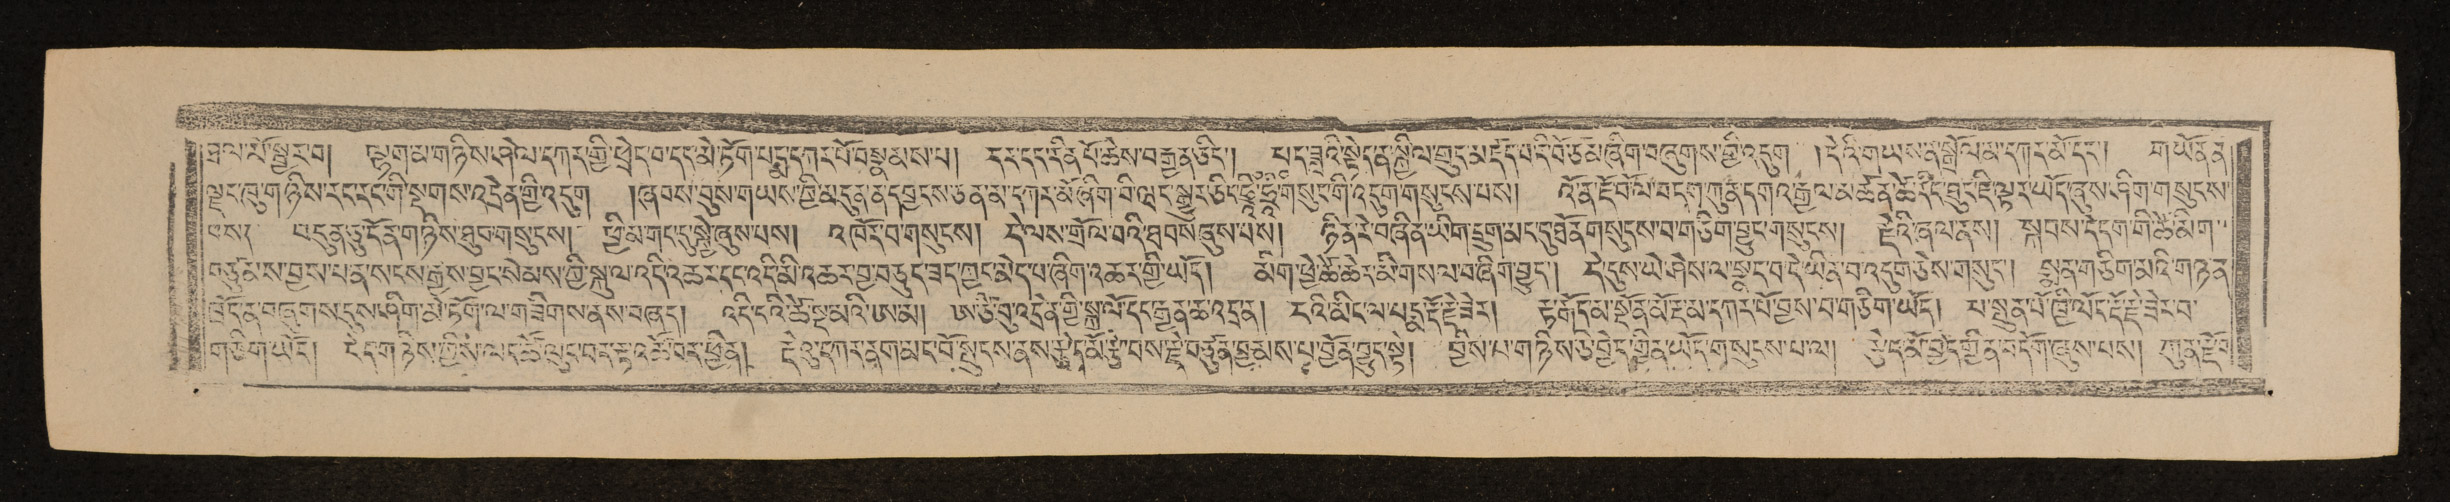ཐལ་མོ་སྦྱར་བ། ལྷག་མ་གཉིས་ཤེལ་དཀར་གྱི་ཕྲེང་བ་དང་མེ་ཏོག་པདམ་དཀར་པོ་བསྣམས་བ། དར་དང་རིན་པོ་ཆེས་བརྒྱན་ཅིང་། པད་ཟླའི་སྟེང་ན་སྐྱིལ་ཀྲུང་མཛད་བ་རི་བོ་ཙམ་ཞིག་བཞུགས་ཀྱི་འདུག །དེའི་གཡས་ན་སྒྲོལ་མ་དཀར་མོ་དང་། གཡོན་ན་
ལྗང་ཁུ་གཉིས་རང་རང་གི་སྔགས་འདྲེན་གྱི་འདུག །ཞབས་པུས་གཡས་ཀྱི་མདུན་ན་དབྱངས་ཅན་མ་དཀར་མོ་ཞིག་པི་ཝང་སྒྱུར་ཅིང་ཧྲཱིཾ་ཧྲཱིཾ་གསུང་གི་འདུག་གསུངས་པས། འོ་ན་ཇོ་བོ་ལ་བདག་ཀུན་དགའ་རྒྱལ་མཚན་ཚེ་རིང་ཐུང་ཇི་ལྟར་ཡོད་ཞུས་ཤིག་གསུངས་
པས༑ བདུན་ཅུ་དོན་གཉིས་ཐུབ་གསུངས། ཕྱི་མ་གང་དུ་སྐྱེ་ཞུས་པས། འཁོར་བ་གསུངས། དེ་ལས་གྲོལ་བའི་ཐབས་ཞུས་པས། ཉིན་རེ་བཞིན་ཡིག་དྲུག་མང་དུ་ཐོན་གསུངས་པ་གཅིག་བྱུང་གསུངས། རྗེའི་ཞལ་ནས། སྐབས་དེ་དག་གི་ཚེ་མིག་
བཙུམས་བྱས་པ་ན་སངས་རྒྱས་བྱང་སེམས་ཀྱི་སྐུ་ལ་འདི་འཆར་དང་འདི་མི་འཆར་བྱ་བ་ཅུང་ཟད་ཀྱང་མེད་པ་ཞིག་འཆར་གྱི་ཡོད། མིག་ཕྱེ་ཚེ་ཆེར་མི་གསལ་བ་ཞིག་བྱུང་། དེ་དུས་ཡེ་ཤེས་ལ་སྣང་བ་དེ་ཡིན་པ་འདུག་ཅེས་གསུང་། སྨན་གཅིག་མའི་གཉན་
ཁྲོད་ན་བཞུགས་དུས་ཤིག་མེ་ཏོག་ལ་གཟིགས་ནས་བཞད། འདི་ངའི་ཚེ་སྔ་མའི་ཨ་མ། ཨ་ཙི་བུ་འདྲེན་གྱི་སྐྲ་ལོ་དང་རྒྱན་ཆ་འདྲན། ངའི་མིང་ལ་པདམ་རྡོ་རྗེ་ཟེར། རྟ་རྒོད་མ་སྔོན་མོ་རྔམ་དཀར་པོ་བྱས་པ་གཅིག་ཡོད། ཕ་སྤུན་པོ་ཁྱི་ལོང་རྡོ་རྗེ་ཟེར་བ་
གཅིག་ཡོད། ངེད་གཉིས་ཀྱིས་ལང་ཚོ་ལུང་པར་རྟ་འཚོ་བར་ཕྱིན། རྡེའུ་དཀར་ནག་མང་པོ་སྤུངས་ནས་རྩེད་མོ་རྩེ་བས་རྗེ་བཙུན་བྱམས་པ་བྱོན་བྱུང་སྟེ། བྱིས་པ་གཉིས་ཅི་བྱེད་གྱིན་ཡོད་གསུངས་པ་ལ། རྩེད་མོ་བྱེད་གྱིན་བདེག་ཞུས་པས། ཀུན་རྫོབ་